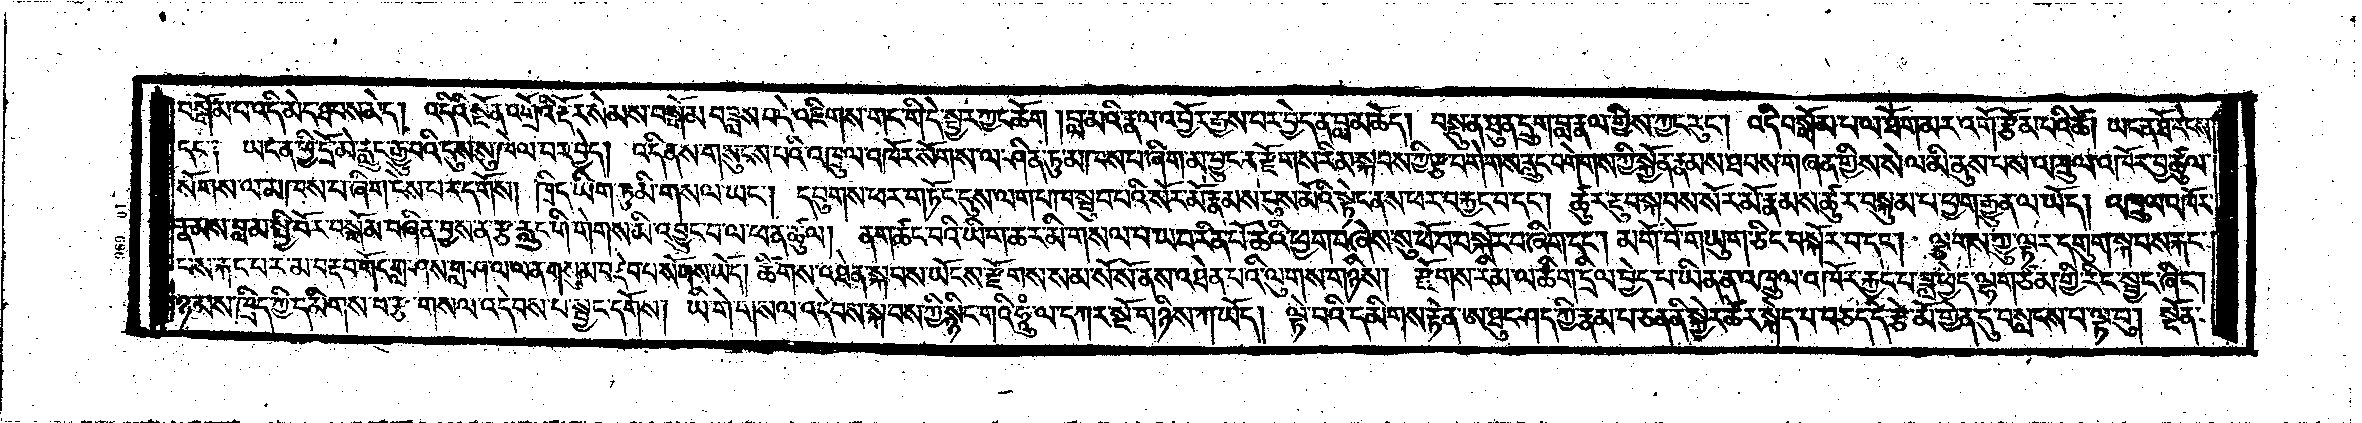བསྒོམ་པ་འདི་མེད་ཐབས་མེད། འདིའི་སྔོན་འགྲོའི་རྡོར་སེམས་བསྒོམ་བཟླས་བདེ་འཇིགས་གང་གི་དེ་སྦྱར་ཀྱང་ཆོག །བླ་མའི་རྣལ་འབྱོར་རྒྱས་པར་བྱེད་ན་བླ་མཆོད། བསྡུ་ན་ཐུན་དྲུག་བླ་རྣལ་གྱིས་ཀྱང་རུང་། འདི་བསྒོམ་པ་ལ་ཐོག་མར་འགོ་རྩོམ་པའི་ཚེ། ཡང་ན་ཐོ་རེངས་
དང༑ ཡང་ན་ཕྱི་དྲོ་མེ་རླུང་རྒྱུ་བའི་དུས་སུ་ཁེལ་བར་བྱེད། འདི་ནས་གསུངས་པའི་འཁྲུལ་འཁོར་སོགས་ལ་ཤིན་ཏུ་མཁས་པ་ཞིག་མ་བྱུང་ན་རྫོགས་རིམ་སྐབས་ཀྱི་རྩ་བགེགས་རླུང་བགེགས་ཀྱི་སྐྱོན་རྣམས་ཐབས་གཞན་གྱིས་སེལ་མི་ནུས་པས་འཁྲུལ་འཁོར་བྱ་ཚུལ་
སོགས་ལ་མཁས་པ་ཞིག་ངེས་པར་དགོས། ཁྲིད་ཡིག་ཏུ་མི་གསལ་ཡང་། དབུགས་ཕར་གཏོང་དུས་ལག་པ་ཁ་སྦུབ་པའི་སོར་མོ་རྣམས་པུས་མོའི་སྟེང་ནས་ཕར་བརྐྱང་བ་དང་། ཚུར་རྡུབ་སྐབས་སོར་མོ་རྣམས་ཚུར་བསྐུམ་པ་ཕྱག་རྒྱུན་ལ་ཡོད། འཁྲུལ་འཁོར་
རྣམས་བླ་མ་སྤྱི་བོར་བསྒོམ་བཞིན་བྱས་ན་རྩ་རླུང་གི་གེགས་མི་འབྱུང་བ་ལ་ཕན་ཚུལ། ནག་ཚང་བའི་ཡིག་ཆར་མི་གསལ་བ་ཡབ་རིན་པོ་ཆེའི་ཕྱག་བཞེས་སུ་ཕོ་བ་བསྐོར་བ་ཞིག་དང་། མགོ་བོ་གཡུག་ཅིང་བསྐོར་བ་དང་། ལྕགས་ཀྱུ་ལྟར་དགུག་སྐབས་རྐང་
པས་རྐང་བར་མ་བརྡབ་གོང་གླ་ཤས་གླ་ཤལ་ལེན་གསུམ་བརྡེབ་བ་སོགས་ཡོད། ཚིགས་འཐེན་སྐབས་ཡོངས་རྫོགས་སམ་སོ་སོ་ནས་འཐེན་པའི་ལུགས་གཉིས། རྫོགས་རིམ་ལ་ཆིག་དྲིལ་བྱེད་པ་ཡིན་ན་འཁྲུལ་འཁོར་རྐྱང་པ་ཟླ་ཕྱེད་ལྷག་ཙམ་གྱི་རིང་སྦྱང་ཞིང་།
ཉམས་ཁྲིད་ཀྱི་དམིགས་པ་རྩ་གསལ་འདེབས་པ་སྦྱང་དགོས། ཡི་གེ་གསལ་འདེབས་སྐབས་ཀྱི་སྙིང་གའི་ཧཱུཾ་ལ་དཀར་སྔོ་གཉིས་ཀ་ཡོད། ལྟེ་བའི་དམིགས་རྟེན་ཨ་ཐུང་ཤད་ཀྱི་རྣམ་པ་ཅན་ནི་སྐྱར་ཚེར་སྐེད་པ་བཅད་དེ་རྩེ་མོ་གྱེན་དུ་བསླངས་པ་ལྟ་བུ། སྔོན་